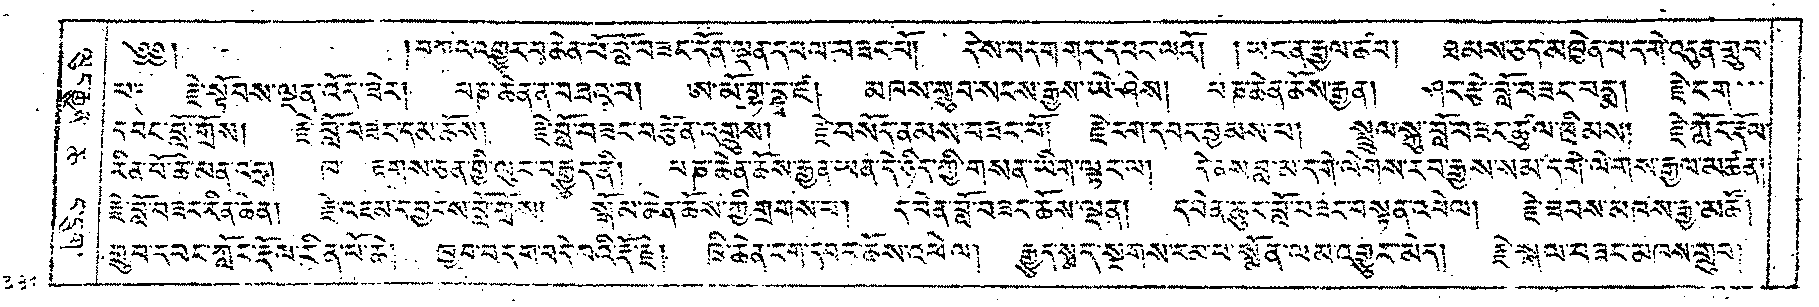༄༅། །བཀའ་འགྱུར་བ་ཆེན་པོ་བློ་བཟང་དོན་ལྡན་དཔལ་བཟང་པོ། དེས་བདག་གར་དབང་ལའོ། །ཡང་ན་རྒྱལ་ཚབ། ཐམས་ཅད་མཁྱེན་པ་དགེ་འདུན་གྲུབ་
པ༑ རྗེ་སྟོབས་ལྡན་འོད་ཟེར། པཎ་ཆེན་ན་བཟའ་བ། ཨ་མོ་གྷ་དྷྭ་ཛ། མཁས་གྲུབ་སངས་རྒྱས་ཡེ་ཤེས། པཎ་ཆེན་ཆོས་རྒྱན། ཤར་རྩེ་བློ་བཟང་པདམ། རྗེ་ངག་
དབང་བློ་གྲོས། རྗེ་བློ་བཟང་དམ་ཆོས། རྗེ་བློ་བཟང་བརྩོན་འགྲུས། རྗེ་བསོད་ནམས་བཟང་པོ། རྗེ་ངག་དབང་བྱམས་པ། སྤྲུལ་སྐུ་བློ་བཟང་ཚུལ་ཁྲིམས། རྗེ་ཀློང་རྡོལ་
རིན་པོ་ཆེ་མན་འདྲ། ཁ་རྟགས་ཅན་གྱི་ལུང་བརྒྱུད་ནི། པཎ་ཆེན་ཆོས་རྒྱན་ཡན་དེ་ཉིད་ཀྱི་གསན་ཡིག་ལྟར་ལ། དེ་ནས་བླ་མ་དགེ་ལེགས་རབ་རྒྱས་སམ་དགེ་ལེགས་རྒྱལ་མཚན།
རྗེ་བློ་བཟང་རིན་ཆེན། རྗེ་འཇམ་དབྱངས་བློ་གྲོས། སྒོམ་ཆེན་ཆོས་ཀྱི་གྲགས་པ། དབེན་བློ་བཟང་ཆོས་ལྡན། དབེན་ཆུང་བློ་བཟང་བསྟན་འཕེལ། རྗེ་ཐབས་མཁས་རྒྱ་མཚོ།
གྲུབ་དབང་ཀློང་རྡོལ་རིན་པོ་ཆེ། ཁྱབ་བདག་བདེ་བའི་རྡོ་རྗེ། ཁྲི་ཆེན་ངག་དབང་ཆོས་འཕེལ། རྒྱུད་སྨད་སྔགས་རམ་པ་སྨོན་ལམ་འགྱུར་མེད། རྗེ་སྐལ་བཟང་མཁས་གྲུབ།